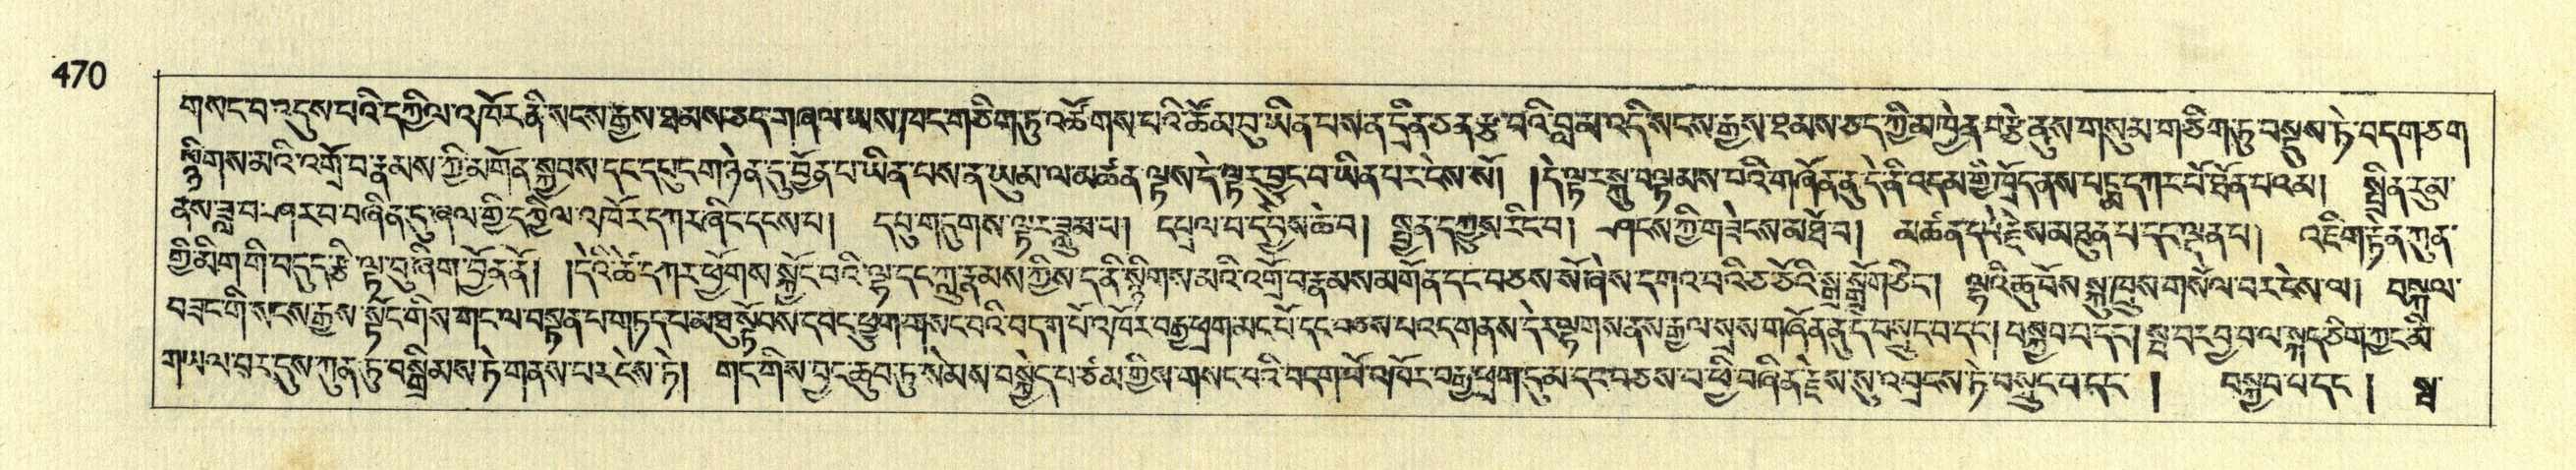གསང་བ་འདུས་པའི་དཀྱིལ་འཁོར་ནི་སངས་རྒྱས་ཐམས་ཅད་གཞལ་ཡས་ཁང་གཅིག་ཏུ་འཚོགས་པའི་ཚོམ་བུ་ཡིན་པས་ན་དྲིན་ཅན་རྩ་བའི་བླ་མ་འདི་སངས་རྒྱས་ཐམས་ཅད་ཀྱི་མཁྱེན་བརྩེ་ནུས་གསུམ་གཅིག་ཏུ་བསྡུས་ཏེ་བདག་ཅག་
སྙིགས་མའི་འགྲོ་བ་རྣམས་ཀྱི་མགོན་སྐྱབས་དང་དཔུང་གཉེན་དུ་བྱོན་པ་ཡིན་པས་ན་ཡུམ་ལ་མཚན་ལྟས་དེ་ལྟར་བྱུང་བ་ཡིན་པར་ངེས་སོ། །དེ་ལྟར་སྐུ་བལྟམས་པའི་གཞོན་ནུ་དེ་ནི་འདམ་གྱི་ཁྲོད་ནས་པདམ་དཀར་པོ་ཐོན་པའམ། སྤྲིན་རུམ་
ནས་ཟླ་བ་ཤར་བ་བཞིན་དུ་ཞལ་གྱི་དཀྱིལ་འཁོར་དཀར་ཞིང་དངས་པ། དབུ་གདུགས་ལྟར་ཟླུམ་པ། དཔྲལ་བ་དབྱེས་ཆེ་བ། སྤྱན་དཀྱུས་རིང་བ། ཤངས་ཀྱི་གཟེངས་མཐོ་བ། མཚན་དཔེ་རྗེས་མཐུན་པ་དང་ལྡན་པ། འཇིག་རྟེན་ཀུན་
གྱི་མིག་གི་བདུད་རྩི་ལྟ་བུ་ཞིག་བྱོན་ནོ། །དེའི་ཚེ་དཀར་ཕྱོགས་སྐྱོང་བའི་ལྷ་དང་ཀླུ་རྣམས་ཀྱིས་ད་ནི་སྙིགས་མའི་འགྲོ་བ་རྣམས་མགོན་དང་བཅས་སོ་ཞེས་དགའ་བའི་ཅ་ཅོའི་སྒྲ་སྒྲོག་ཅིང་། ལྷའི་ཆུ་བོས་སྐུ་ཁྲུས་གསོལ་བར་ངེས་ལ། བསྐལ་
བཟང་གི་སངས་རྒྱས་སྟོང་གིས་གང་ལ་བསྟན་པ་གཏད་པ་མཐུ་སྟོབས་དབང་ཕྱུག་གསང་བའི་བདག་པོ་འཁོར་བརྒྱ་ཕྲག་མང་པོ་དང་བཅས་པའང་གནས་དེར་ལྷགས་ནས་རྒྱལ་སྲས་གཞོན་ནུ་དེ་བསྲུང་བ་དང་། བསྐྱབ་བ་དང་། སྦ་བར་བྱ་བ་ལ་སྐད་ཅིག་ཀྱང་མི་
གཡལ་བར་དུས་ཀུན་ཏུ་བསྒྲིམས་ཏེ་གནས་པར་ངེས་ཏེ། གང་གིས་བྱང་ཆུབ་ཏུ་སེམས་བསྐྱེད་པ་ཙམ་གྱིས་གསང་བའི་བདག་པོ་འཁོར་བརྒྱ་ཕྲག་དུ་མ་དང་བཅས་པ་ཕྱི་བཞིན་རྗེས་སུ་འབྲངས་ཏེ་བསྲུང་བ་དང་། བསྐྱབ་པ་དང་། སྦ་